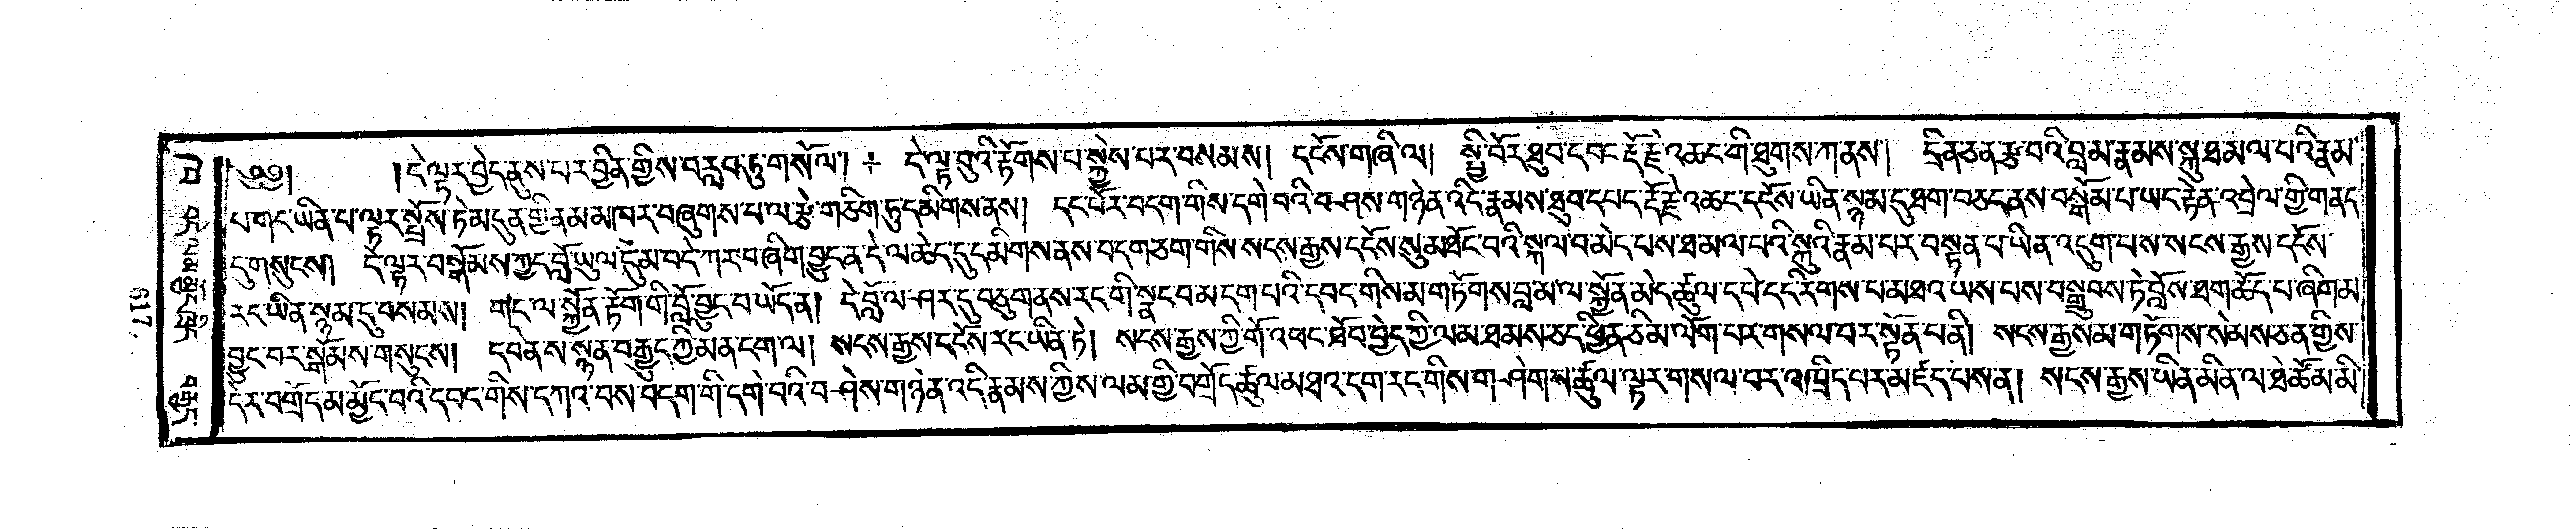༄༅། །དེ་ལྟར་བྱེད་ནུས་པར་བྱིན་གྱིས་བརླབ་ཏུ་གསོལ། +་དེ་ལྟ་བུའི་རྟོགས་པ་སྐྱེས་པར་བསམས། དངོས་གཞི་ལ། སྦྱི་བོར་ཐུབ་དབང་རྡོ་རྗེ་འཆང་གི་ཐུགས་ཀ་ནས། དྲིན་ཅན་རྩ་བའི་བླ་མ་རྣམས་སྐུ་ཐ་མལ་པའི་རྣམ་
པ་གང་ཡིན་པ་ལྟར་སྤྲོས་ཏེ་མདུན་གྱི་ནམ་མཁར་བཞུགས་པ་ལ་རྩེ་གཅིག་ཏུ་དམིགས་ནས། དང་པོར་བདག་གིས་དགེ་བའི་བཤས་གཉེན་འདི་རྣམས་ཐུབ་དབང་རྡོ་རྗེ་འཆང་དངོས་ཡིན་སྙམ་དུ་ཐག་བཅད་ནས་བསྒོམ་པ་ཡང་རྟེན་འབྲེལ་གྱི་གནད་
དུ་གསུངས། དེ་ལྟར་བསྒོམས་ཀྱང་བློ་ཡུལ་དུ་མ་བདེ་ཀར་བ་ཞིག་བྱུང་ན་དེ་ལ་ཆེད་དུ་དམིགས་ནས་བདག་ཅག་གིས་སངས་རྒྱས་དངོས་སུ་མཐོང་བའི་སྐལ་བ་མེད་པས་ཐ་མལ་པའི་སྐུའི་རྣམ་པར་བསྟན་པ་ཡིན་འདུག་པས་སངས་རྒྱས་དངོས་
རང་ཡིན་སྙམ་དུ་བསམས། གང་ལ་སྐྱོན་རྟོག་གི་བློ་བྱུང་བ་ཡོད་ན། དེ་བློ་ལ་ཤར་དུ་བཅུག་ནས་རང་གི་སྣང་བ་མ་དག་པའི་དབང་གིས་མ་གཏོགས་བླ་མ་ལ་སྐྱོན་མེད་ཚུལ་དཔེ་དང་རིགས་པ་མཐའ་ཡས་པས་བསྒྲུབས་ཏེ་བློས་ཐག་ཆོད་པ་ཞིག་མ་
བྱུང་བར་སྒོམས་གསུངས། དབེན་ས་སྙན་བརྒྱུད་ཀྱི་མན་ངག་ལ། སངས་རྒྱས་དངོས་རང་ཡིན་ཏེ། སངས་རྒྱས་ཀྱི་གོ་འཕང་ཐོབ་བྱེད་ཀྱི་ལམ་ཐམས་ཅད་ཕྱིན་ཅི་མ་ལོག་པར་གསལ་བར་སྟོན་པ་ནི། སངས་རྒྱས་མ་གཏོགས་སེམས་ཅན་གྱིས་
དེར་བགྲོད་མ་མྱོང་བའི་དབང་གིས་དཀའ་བས་བདག་གི་དགེ་བའི་བཤེས་གཉེན་འདི་རྣམས་ཀྱིས་ལམ་གྱི་བགྲོད་ཚུལ་མཐའ་དག་རང་གིས་གཤེགས་ཚུལ་ལྟར་གསལ་བར་འཁྲིད་པར་མཛད་པས་ན། སངས་རྒྱས་ཡིན་མིན་ལ་ཐེ་ཚོམ་མི་